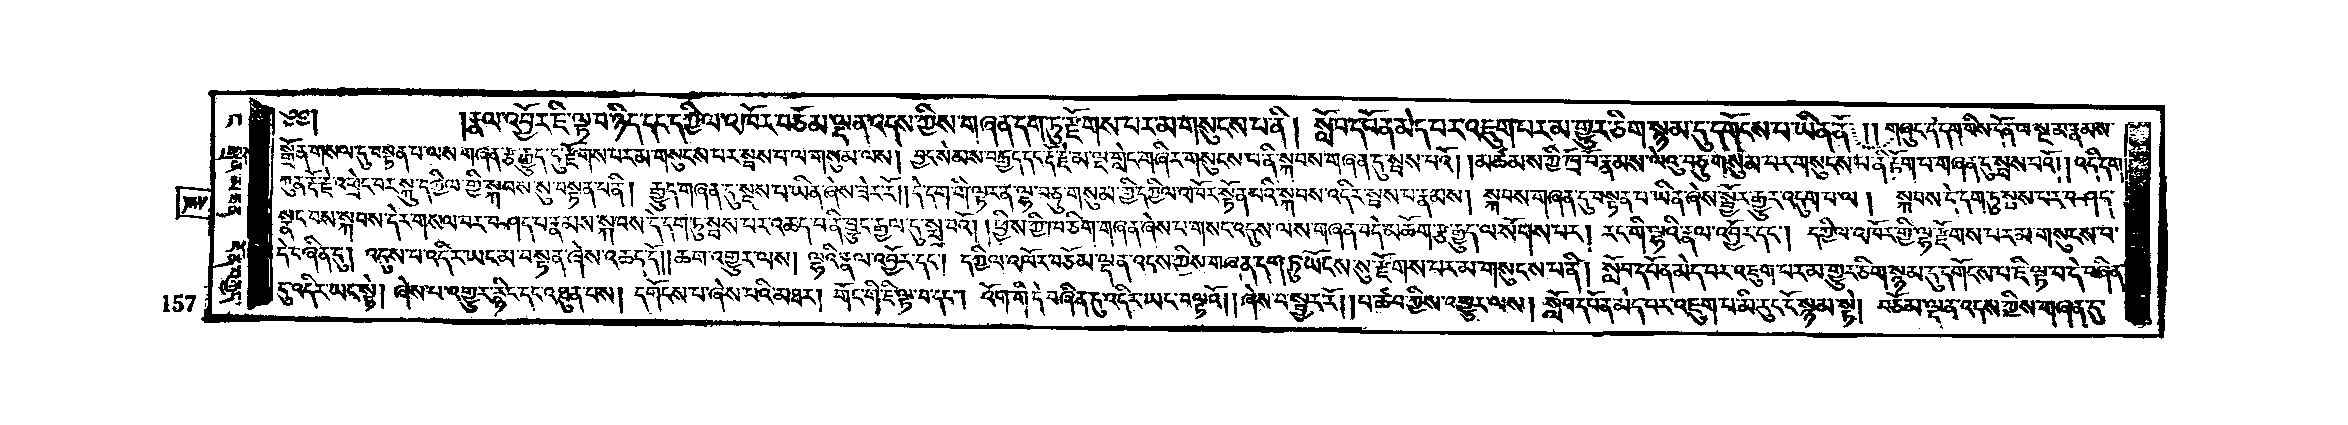༄༅། །རྣལ་འབྱོར་ཇི་ལྟ་བ་ཉིད་དང་དཀྱིལ་འཁོར་བཅོམ་ལྡན་འདས་ཀྱིས་གཞན་དག་ཏུ་རྫོགས་པར་མ་གསུངས་པ་ནི། སློབ་དཔོན་མེད་པར་འཇུག་པར་མ་གྱུར་ཅིག་སྙམ་དུ་དགོངས་པ་ཡིན་ནོ། །གཞུང་དེ་དག་གིས་དོན་ལ་སྔ་མ་རྣམས་
སྒྲོན་གསལ་དུ་བསྟན་པ་ལས་གཞན་རྩ་རྒྱུད་དུ་རྫོགས་པར་མ་གསུངས་པར་སྦས་པ་ལ་གསུམ་ལས། བྱང་སེམས་བརྒྱད་དང་རྡོ་རྗེ་མ་ལྔ་གླེང་གཞིར་གསུངས་པ་ནི་སྐབས་གཞན་དུ་སྦས་པའོ། །མཚམས་ཀྱི་ཁྲོ་བོ་རྣམས་ལེའུ་བཅུ་གསུམ་པར་གསུངས་པ་ནི་རྟོག་པ་གཞན་དུ་སྦས་པའོ། །འདི་དག་
ཀུན་རྡོ་རྗེ་འཕྲེང་བར་སྐུ་དཀྱིལ་གྱི་སྐབས་སུ་བསྟན་པ་ནི། རྒྱུད་གཞན་དུ་སྦས་པ་ཡིན་ཞེས་ཟེར་རོ། །དེ་དག་གི་ལྟར་ན་ལྷ་བཅུ་གསུམ་གྱི་དཀྱིལ་འཁོར་སྟོན་པའི་སྐབས་འདིར་སྦས་པ་རྣམས། སྐབས་གཞན་དུ་བསྟན་པ་ཡིན་ཞེས་སྦྱོར་རྒྱུར་འདུག་པ་ལ། སྐབས་དེ་དག་ཏུ་སྦས་པར་བཤད་
སྣང་བས་སྐབས་དེར་གསལ་བར་བཤད་པ་རྣམས་སྐབས་དེ་དག་ཏུ་སྦས་པར་འཆད་པ་ནི་བྱུང་རྒྱལ་དུ་སྨྲ་བའོ། །ཕྱིས་ཀྱི་ཁ་ཅིག་གཞན་ཞེས་པ་གསང་འདུས་ལས་གཞན་བདེ་མཆོག་རྩ་རྒྱུད་ལ་སོགས་པར། རང་གི་ལྷའི་རྣལ་འབྱོར་དང་། དཀྱིལ་འཁོར་གྱི་ལྷ་རྫོགས་པར་མ་གསུངས་པ་
དེ་བཞིན་དུ། འདུས་པ་འདིར་ཡང་མ་བསྟན་ཞེས་འཆད་དོ། །ཆག་འགྱུར་ལས། ལྷའི་རྣལ་འབྱོར་དང་། དཀྱིལ་འཁོར་བཅོམ་ལྡན་འདས་ཀྱིས་གཞན་དག་ཏུ་ཡོངས་སུ་རྫོགས་པར་མ་གསུངས་པ་ནི། སློབ་དཔོན་མེད་པར་འཇུག་པར་མ་གྱུར་ཅིག་སྙམ་དུ་དགོངས་པ་ཇི་ལྟ་བ་དེ་བཞིན་
དུ་འདིར་ཡང་སྟེ། ཞེས་པ་འགྱུར་རྙིང་དང་འཐུན་པས། དགོངས་པ་ཞེས་པའི་མཐར། གོང་གི་ཇི་ལྟ་བ་དང་། འོག་གི་དེ་བཞིན་དུ་འདིར་ཡང་བལྟའོ། །ཞེས་པ་སྦྱར་རོ། །པ་ཚབ་ཀྱིས་འགྱུར་ལས། སློབ་དཔོན་མེད་པར་འཇུག་པ་མི་རུང་ངོ་སྙམ་ཏེ། བཅོམ་ལྡན་འདས་ཀྱིས་གཞན་དུ་